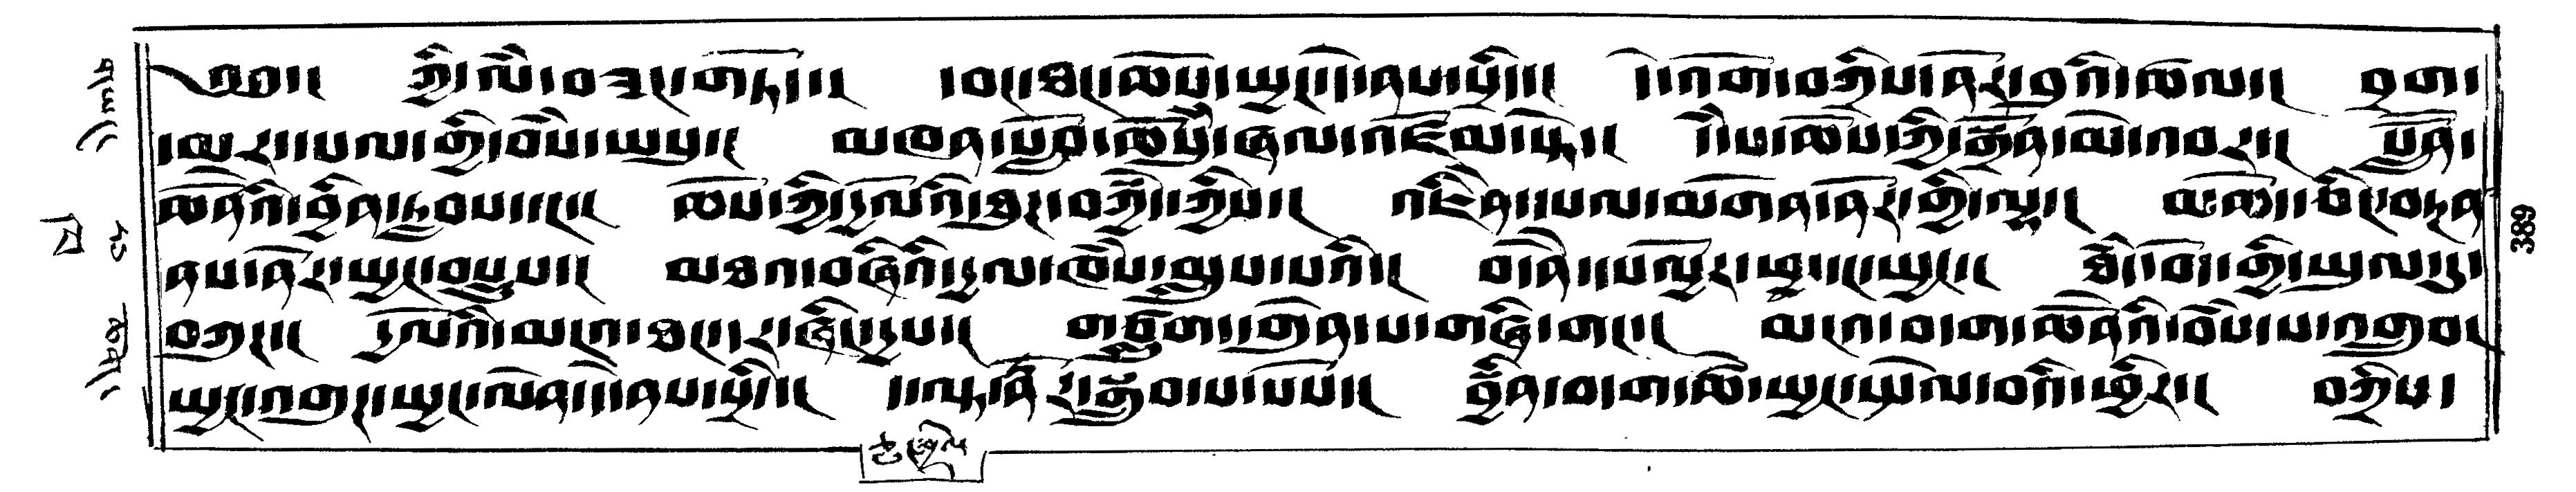ཀྱི་ལམ་བཟང་གཏོད། །དབང་ཐང་ཆོས་གཡང་དེ་ནས་སྲིད། །དེ་འོག་བཀྲ་ཤིས་ནོར་བུའི་ཚལ། །བྲག་
དམར་དཔལ་གྱི་བསམ་གཡས་སུ། །མཁན་སློབ་ཆོས་གསུམ་ཞལ་འཛོམ་སྟེ། །དམ་པ་ཆོས་ཀྱི་སྒྲོན་མེ་སྤར། །སློབ་དཔོན་
ཆེན་པོའི་བྱིན་རླབས་དང་། །ཆོས་ཀྱི་རྒྱལ་པོའི་ཐུགས་བསྐྱེད་ཀྱིས། །འཇིག་རྟེན་དཔལ་མགོན་ནོར་གྱི་ལྷ། །མཆོད་ཅིང་བརྔན་
ནས་ནོར་གཡང་བསྡུས། །མཐའ་བཞིའི་རྒྱལ་ཁམས་མ་ལུས་པའི། །བདེ་ཆེན་དཔལ་འབྱོར་ཕྱྭ་དང་གཡང་། །ཐམས་ཅད་བོད་ཀྱྀ་ཡུལ་དུ་
བཀུག །རྒྱལ་པོའི་མངའ་ཐང་དར་ཞིང་རྒྱས། །གཙུག་ལག་དགེ་འདུན་ས་གཞི་གང་། །མངའ་བདག་ཆེན་པོའི་བསམ་པ་འགྲུབ། །
གཡང་འགུགས་གཡང་ལེན་དེ་ནས་སྲིད། །ད་ལྟ་རྣལ་འབྱོར་སྒྲུབ་པ་པོས། །སྦྱིན་བདག་ཚེ་གཡང་སྤེལ་བའི་ཕྱིར། །བཀྲ་ཤིས་